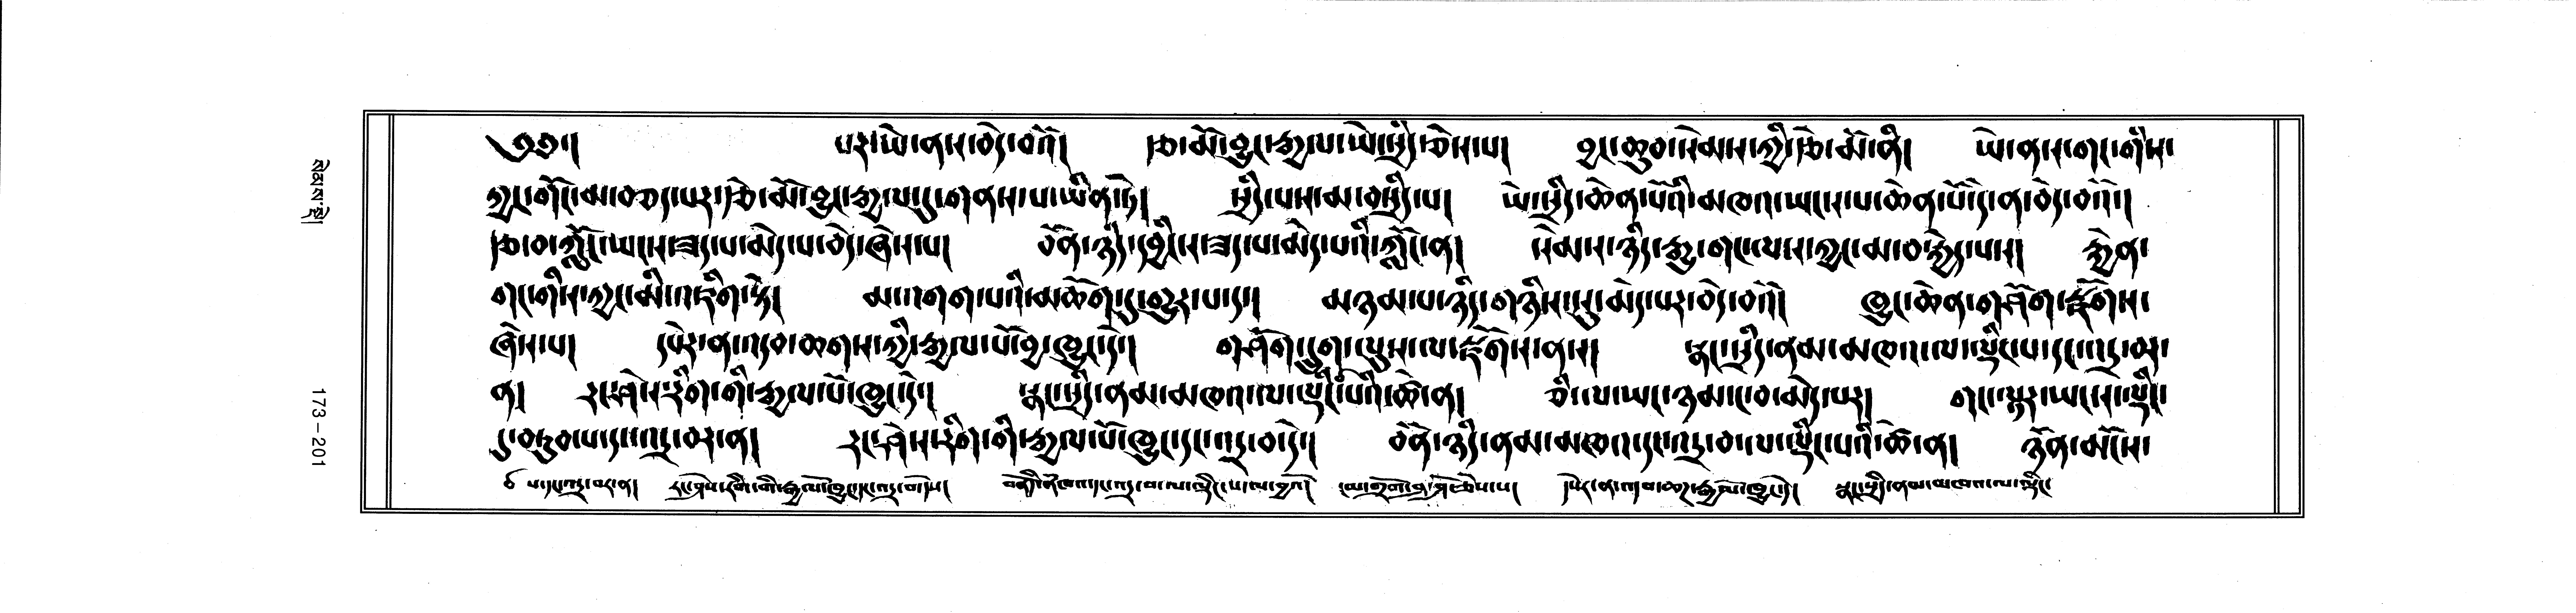པར་ཡེ་ནས་བདེ་བའོ། །རྩེ་མོ་བྱུང་རྒྱལ་ཡེ་སྲིད་ཅེས་པ། བྱང་ཆུབ་སེམས་ཀྱི་རྩེ་མོ་ནི། ཡེ་ནས་གོང་གིས་
ཀྱང་མ་བཅད་པར་རྩེ་མོ་བྱུང་རྒྱལ་དུ་གནས་པ་ཡིན་ཏེ། སྲིད་པས་མ་བསྲིད་པ། ཡེ་སྲིད་ཆེན་པོའི་མཁའ་ཡངས་པ་ཆེན་པོ་དེ་ན་བདེ་བའོ། །
རྩ་བ་ཀློང་ཡངས་ཟད་པ་མེད་པ་བདེ་བ་ཞེས་པ། བོན་ཉིད་དབྱིངས་ཟད་པ་མེད་པའི་ཀློང་ན། སེམས་ཉིད་རྒྱུ་གང་ལས་ཀྱང་མ་བསྐྱེད་པས། རྐྱེན་
གང་གིས་ཀྱང་མི་འཇིག་སྟེ། མ་འགག་པའི་མཆོག་ཏུ་གྱུར་པ་དང་། མཉམ་པ་ཉིད་གཉིས་སུ་མེད་པར་བདེ་བའོ། །ཁྱུང་ཆེན་གཤོག་རྫོགས་
ཞེས་པ། དཔེར་ན་འདབ་ཆགས་ཀྱི་རྒྱལ་པོ་བྱ་ཁྱུང་དེ། གཤོག་དྲུག་ལུས་ལ་རྫོགས་ནས། སྣང་སྲིད་ནམ་མཁའ་ལ་ལྡིང་པ་དང་འདྲ་བར་
ན། རང་ཤེས་རིག་རྒྱལ་པོ་ཁྱུང་དེ། སྣང་སྲིད་ནམ་མཁའ་ལ་ལྡིང་བ་དང་འདྲ་བར་ན། ཅི་ལ་ཡང་ཉམ་ང་མེད་པ། གང་ལྟར་ཡང་ལྡིང
དུ་བཏུབ་པ་དང་འདྲ་བར་ན། རང་ཤེས་རིག་རྒྱལ་པོ་ཁྱུང་དེ། བོན་ཉིད་ནམ་མཁའ་ལ་ལྡིང་བ་ལ་བྱའོ། ཉོན་མོངས་
ངམ་གྲོག་ཤ་ཤོ་ཅེས་པ། དཔེར་ན་འདབ་ཆགས་རྒྱལ་པོ་ཁྱུང་དེ། སྣང་སྲིད་ནམ་མཁའ་ལ་ལྡིང་བའི་ཚེ་ན། རང་ཤེས་རིག་རྒྱལ་པོ་ཁྱུང་དང་འདྲ་བ་དེ། བོན་ཉིད་ནམ་མཁའ་དང་འདྲ་བ་ལ་ལྡིང་བའི་ཚེ་ན།